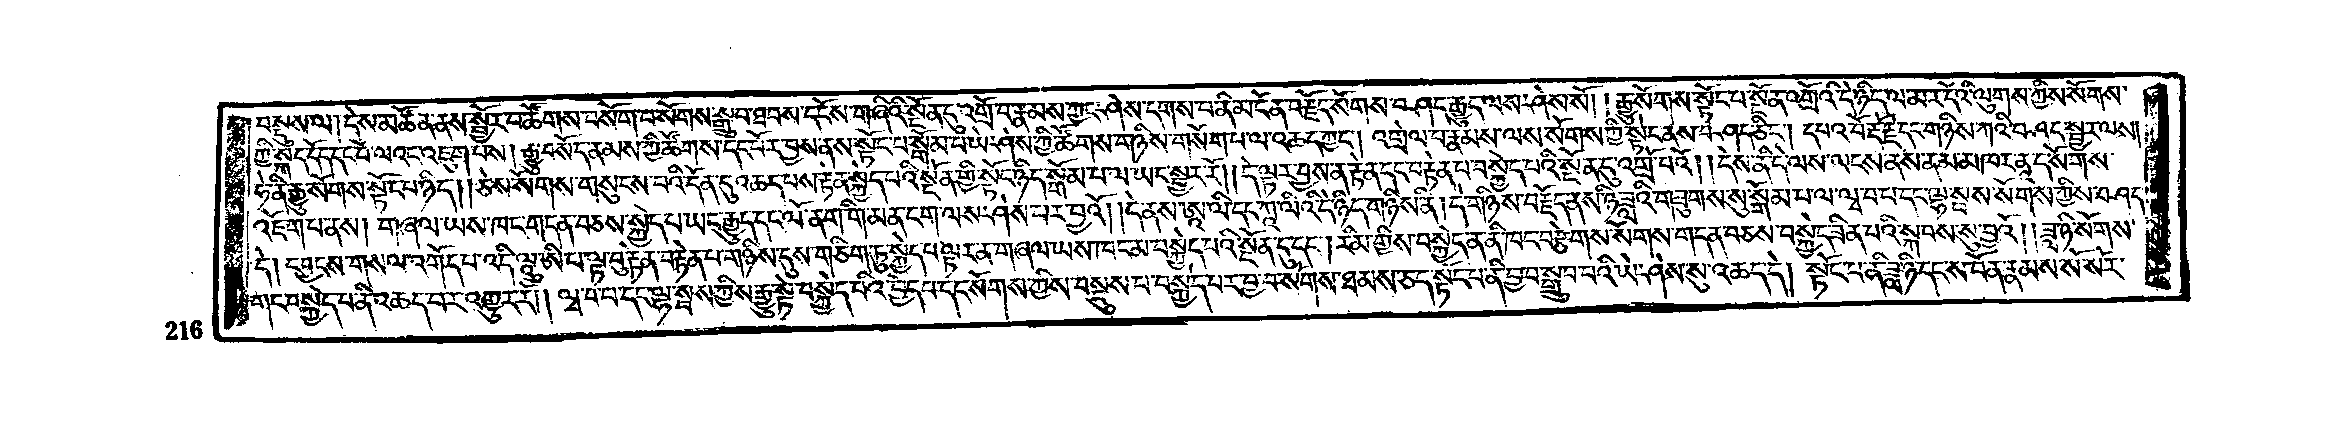བསྡུས་ལ། དེས་མཚོན་ནས་སྦྱོར་བ་ཚོགས་པ་སོག་པ་སོགས་སྒྲུབ་ཐབས་དངོས་གཞིའི་སྔོན་དུ་འགྲོ་བ་རྣམས་ཀྱང་ཤེས་དགས་པ་ནི་མངོན་བརྗོད་སོགས་བཤད་རྒྱུད་ལས་ཤེས་སོ། །རྒྱུ་སོགས་སྟོང་པ་སྔོན་འགྲོའི་དེ་ཉིད་ལ་མར་དོའི་ལུགས་ཀྱི་སོགས་
ཀྱི་སྐད་དོད་དང་པོ་ལའང་འཇུག་པས། རྒྱུ་བསོད་ནམས་ཀྱི་ཚོགས་དང་པོར་བྱས་ནས་སྟོང་པ་སྒོམ་པ་ཡེ་ཤེས་ཀྱི་ཚོགས་གཉིས་གསོག་པ་ལ་འཆད་ཀྱང་། འགྲེལ་པ་རྣམས་ལས་སོགས་ཀྱི་སྟེང་ནས་བཤད་ཅིང་། དཔའ་བོ་རྡོ་རྗེ་དང་གཉིས་ཀའི་བཤད་སྦྱར་ལས།
ཧེ་ནི་རྒྱུ་སོགས་སྟོང་པ་ཉིད། །ཅེས་སོགས་གསུངས་པའི་དོན་དུ་འཆད་པས་རྟེན་སྐྱེད་པའི་སྔོན་གྱི་སྟོང་ཉིད་སྒོམ་པ་ལ་ཡང་སྦྱར་རོ། །དེ་ལྟར་བྱས་ན་རྟེན་དང་བརྟེན་པ་བསྐྱེད་པའི་སྔོན་དུ་འགྲོ་བའོ། །དེས་ནི་དེ་ལས་ལངས་ནས་ནམ་མཁར་ནཱ་ད་སོགས་
འཇོག་པ་ནས། གཞལ་ཡས་ཁང་གདན་བཅས་སྐྱེད་པ་ཡང་རྒྱུད་དང་ལོ་ནག་གི་མན་ངག་ལས་ཤེས་པར་བྱའོ། །དེ་ནས་ཨཱ་ལི་དང་ཀཱ་ལིའི་དེ་ཉིད་གཉིས་ནི་དེ་གཉིས་བརྗོད་ནས་ཉི་ཟླའི་གཟུགས་སུ་སྒོམ་པ་ལ་ལྭ་བ་པ་དང་ལྷ་སྦས་སོགས་ཀྱིས་བཤད་
དེ། དབྱངས་གསལ་འགོད་པ་འདི་ལཱུ་ཨི་པ་ལྟ་བུ་རྟེན་བརྟེན་པ་གཉིས་དུས་གཅིག་ཏུ་སྐྱེད་པ་ལྟར་ན་གཞལ་ཡས་ཁང་མ་བསྐྱེད་པའི་སྔོན་དུ་དང་། རིམ་གྱིས་བསྐྱེད་ན་ནི་ཁང་བརྩེགས་སོགས་གདན་བཅས་བསྐྱེད་ཟིན་པའི་སྐབས་སུ་བྱའོ། །ཟླ་ཉི་སོགས་
གང་བསྐྱེད་པ་ནི་འཆད་པར་འགྱུར་རོ། །ལྭ་བ་པ་དང་ལྷ་སྦས་ཀྱིས་རྒྱུ་སྟེ་བསྐྱེད་པའི་བྱེད་པ་དང་སོགས་ཀྱིས་བསྡུས་པ་བསྐྱེད་པར་བྱ་བ་སོགས་ཐམས་ཅད་སྟོང་པ་ནི་བྱ་བ་སྒྲུབ་པའི་ཡེ་ཤེས་སུ་འཆད་དེ། སྟོང་པ་ནི་ཟླ་ཉི་དང་ས་བོན་རྣམས་སོ་སོར་